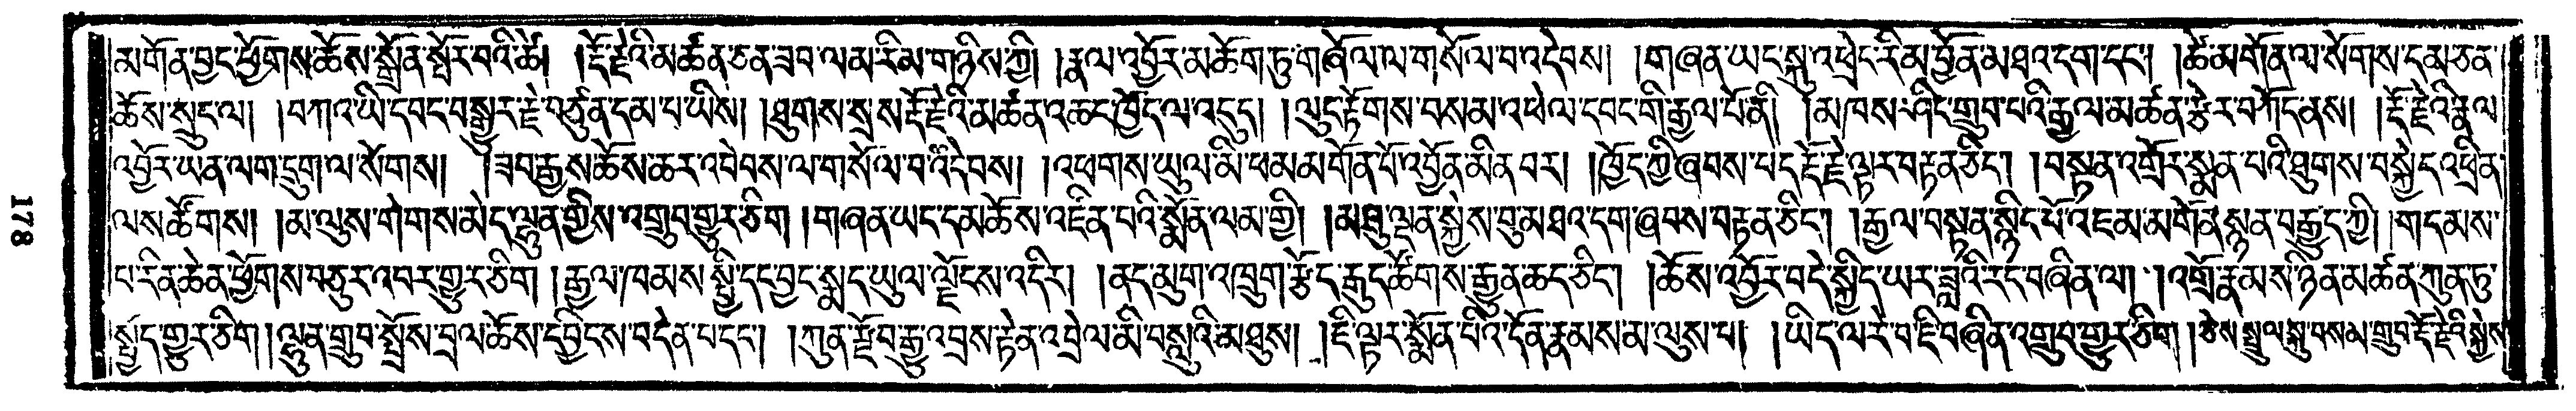མགོན་བྱང་ཕྱོགས་ཆོས་སྒྲོན་སྤོར་བའི་ཚེ། །རྡོ་རྗེའི་མཚན་ཅན་ཟབ་ལམ་རིམ་གཉིས་ཀྱི། །རྣལ་འབྱོར་མཆོག་ཏུ་གཞོལ་ལ་གསོལ་བ་འདེབས། །གཞན་ཡང་སྐུ་འཕྲེང་རིམ་བྱོན་མཐའ་དག་དང་། །ཚེ་མགོན་ལ་སོགས་དམ་ཅན་
ཆོས་སྲུང་ལ། །བཀའ་ཡི་དབང་བསྒྱུར་རྗེ་བཙུན་དམ་པ་ཡིས། །ཐུགས་སྲས་རྡོ་རྗེའི་མཚན་འཆང་ཁྱོད་ལ་འདུད། །ལུང་རྟོགས་བསམ་འཕེལ་དབང་གི་རྒྱལ་པོ་ནི། །མཁས་ཤིང་གྲུབ་པའི་རྒྱལ་མཚན་རྩེར་བཀོད་ནས། །རྡོ་རྗེའི་རྣལ་
འབྱོར་ཡན་ལག་དྲུག་ལ་སོགས། །ཟབ་རྒྱས་ཆོས་ཆར་འབེབས་ལ་གསོལ་བ་འདེབས། །འཕགས་ཡུལ་མི་ཕམ་མགོན་པོ་འབྱོན་མིན་བར། །ཁྱོད་ཀྱི་ཞབས་པད་རྡོ་རྗེ་ལྟར་བརྟན་ཅིང་། །བསྟན་འགྲོར་སྨན་པའི་ཐུགས་བསྐྱེད་འཕྲིན་
ལས་ཚོགས། །མ་ལུས་གེགས་མེད་ལྷུན་གྱིས་འགྲུབ་གྱུར་ཅིག །གཞན་ཡང་དམ་ཆོས་འཛིན་པའི་སྨོན་ལམ་གྱི། །མཐུ་ལྡན་སྐྱེས་བུ་མཐའ་དག་ཞབས་བརྟན་ཅིང་། །རྒྱལ་བསྟན་སྙིང་པོ་འཇམ་མགོན་སྙན་བརྒྱུད་ཀྱི། །གདམས་
པ་རིན་ཆེན་ཕྱོགས་བཅུར་འབར་གྱུར་ཅིག །རྒྱལ་ཁམས་སྤྱི་དང་བྱང་སྨད་ཡུལ་ལྗོངས་འདིར། །ནད་མུག་འཁྲུག་རྩོད་རྒུད་ཚོགས་རྒྱུན་ཆད་ཅིང་། །ཆོས་འབྱོར་བདེ་སྐྱིད་ཡར་ཟླའི་རང་བཞིན་ལ། །འགྲོ་རྣམས་ཉིན་མཚན་ཀུན་ཏུ་
སྤྱོད་གྱུར་ཅིག །ལྷུན་གྲུབ་སྤྲོས་བྲལ་ཆོས་དབྱིངས་བདེན་པ་དང་། །ཀུན་རྫོབ་རྒྱུ་འབྲས་རྟེན་འབྲེལ་མི་བསླུའི་མཐུས། །ཇི་ལྟར་སྨོན་པའི་དོན་རྣམས་མ་ལུས་པ། །ཡིད་ལ་རེ་བ་ཇི་བཞིན་འགྲུབ་གྱུར་ཅིག །ཅེས་སྤྲུལ་སྐུ་བསམ་གྲུབ་རྡོ་རྗེའི་སྐྱེས་